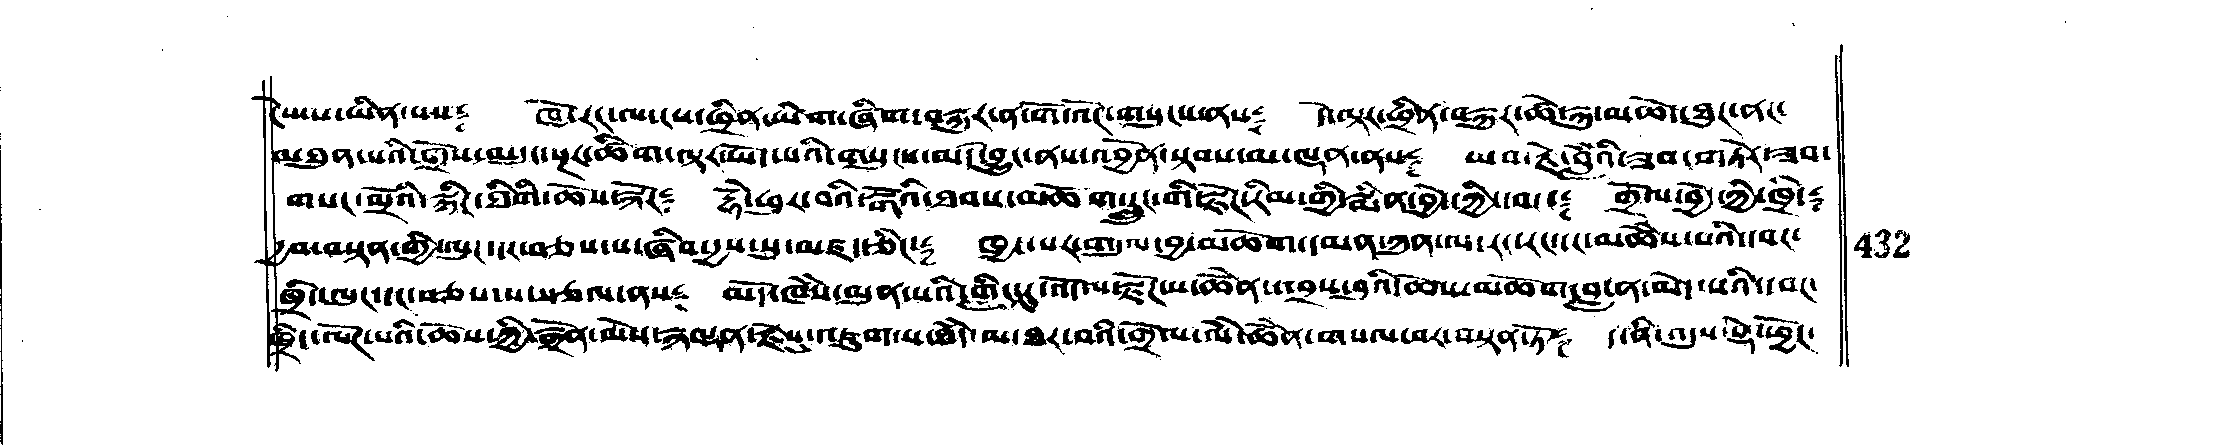ངེས་པ་ཡིན་པས། ཁོ་རང་ལ་ངས་ཕྲིན་ཡིག་ཞིག་བསྐུར་ན་གོ་འོང་གསུངས་ནས། དེ་ལྟར་ཕྲིན་བསྐུར་ཚེ་སྐུ་མཆེད་ཐུགས་ནང་
མཐུན་པའི་གྲོས་མདུད་སྔར་ཚིག་ལྟར་ཡོད་པའི་གསུང་མཛད་བྱུང་ནས་འབྱོན་སྟབས་མ་ལྡན་ནས། ཡབ་རྗེ་བླ་མའི་ཟབ་གཏེར་ཟབ་
གསང་མཁའ་འགྲོའི་སྙིང་ཐིག་གི་ཆོས་སྐོར། རྡོ་རྗེ་ཕུར་པའི་སྒོའི་ཐབས་མཆོག་རླུང་གི་རྫོགས་རིམ་གྱི་སྨིན་བྱེད་ཀྱི་དབང་། གྲོལ་བྱེད་ཀྱི་ཁྲིད། 
རྒྱབ་བསྟན་གྱི་ལུང་དང་བཅས་པ་ཞིབ་རྒྱས་སུ་མཛད་ཅིང་། ཁྱད་པར་གདུལ་བྱ་མཆོག་དམན་ཀུན་ལ་རང་རང་དང་འཚམས་པའི་དབང་
ཁྲིད་ལུང་དང་བཅས་པ་བསྩལ་ནས།མདོ་ཁམས་མུན་པའི་གླིང་དུ་འོད་གསལ་རྫོགས་པ་ཆེན་པོ་འབྲས་བུའི་ཆོས་མཆོག་བླ་ན་མེད་པའི་དབང་
ཁྲིད་ལ་སོགས་པའི་ཆོས་ཀྱི་སྒྲོན་མེས་སྐལ་ལྡན་རྗེས་སུ་འཇུག་པ་ཐམས་ཅད་ལ་ཐར་པའི་གྲོལ་ལམ་ཆེན་པོ་གསལ་བར་བསྟན་ཏཽ། ད་ནི་འདུས་སྡེ་ཕྱོགས་